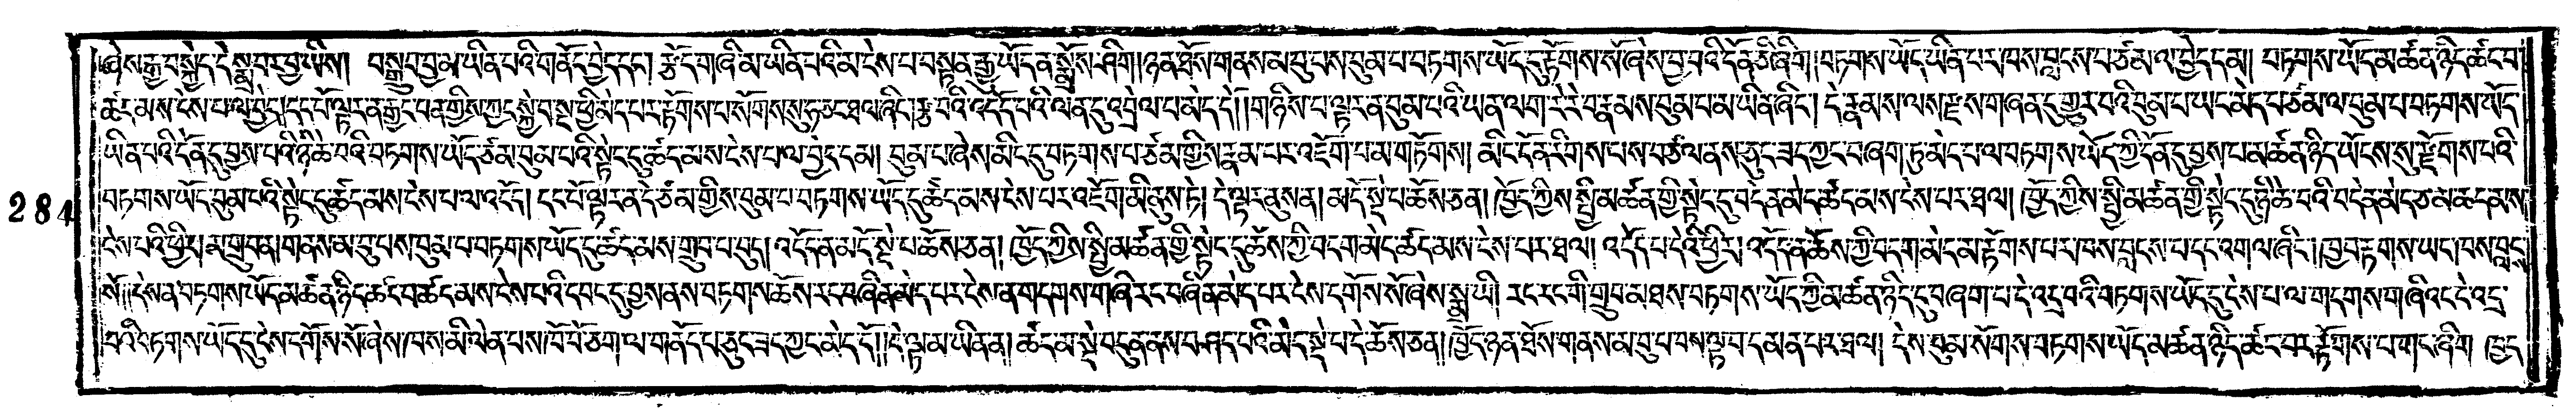ཞེས་རྒྱ་བསྐྱེད་དེ་སྨྲ་བར་བྱ་ཡིས། བསྒྲུབ་བྱ་མ་ཡིན་པའི་གནོད་བྱེད་དང་། རྩོད་གཞི་མ་ཡིན་པའི་མ་ངེས་པ་བསྟན་རྒྱུ་ཡོད་ན་སྨྲོས་ཤིག །ཉན་ཐོས་གནས་མ་བུ་པས་བུམ་པ་བཏགས་ཡོད་དུ་རྟོགས་སོ་ཞེས་བྱ་བའི་དོན་ཅི་ཞིག །བཏགས་ཡོད་ཡིན་པར་ཁས་བླངས་པ་ཙམ་ལ་བྱེད་དམ། བཏགས་ཡོད་མཚན་ཉིད་ཚང་བ་
ཚད་མས་ངེས་པ་ལ་བྱེད། དང་པོ་ལྟར་ན་རྒྱད་བན་གྱིས་ཀྱང་སྐྱེ་བ་སྔ་ཕྱི་མེད་པར་རྟོགས་པ་སོགས་སུ་ཧ་ཅང་ཐལ་ཞིང་། རྩ་བའི་འདོད་པའི་ལན་དུ་འབྲེལ་པ་མེད་དོ། །གཉིས་པ་ལྟར་ན་བུམ་པའི་ཡན་ལག་རེ་རེ་བ་རྣམས་བུམ་བ་མ་ཡིན་ཞིང་། དེ་རྣམས་ལས་རྫས་གཞན་དུ་གྱུར་བའི་བུམ་པ་ཡང་མེད་པ་ཙམ་ལ་བུམ་པ་བཏགས་ཡོད་
ཡིན་པའི་དོན་དུ་བྱས་པའི་ཉི་ཆེ་བའི་བཏགས་ཡོད་ཙམ་བུམ་པའི་སྟེང་དུ་ཚད་མས་དེས་པ་ལ་བྱེད་དམ། བུམ་པ་ཞེས་མིང་དུ་བཏགས་པ་ཙམ་གྱིས་རྣམ་པར་འཇོག་པ་མ་གཏོགས། མིང་དོན་རིགས་པས་བཙལ་ནས་ཅུང་ཟད་ཀྱང་བཞག་ཏུ་མེད་པ་ལ་བཏགས་ཡོད་ཀྱི་དོན་དུ་བྱས་པ་མཚན་ཉིད་ཡོངས་སུ་རྫོགས་པའི་
བཏགས་ཡོད་བུམ་པའི་སྟེང་དུ་ཚད་མས་ངེས་པ་ལ་འདོད། དང་པོ་ལྟར་ན་དེ་ཙམ་གྱིས་བུམ་པ་བཏགས་ཡོད་དུ་ཚད་མས་ངེས་པར་འཇོག་མི་ནུས་ཏེ། དེ་ལྟར་ནུས་ན། མདོ་སྡེ་པ་ཆོས་ཅན། ཁྱོད་ཀྱིས་སྤྱི་མཚན་གྱི་སྟེང་དུ་བདེན་མེད་ཚད་མས་ངེས་པར་ཐལ། ཁྱོད་ཀྱིས་སྤྱི་མཚན་གྱི་སྟེང་དུ་ཉི་ཆེ་བའི་བདེན་མེད་ཙམ་ཆད་མས་
ངེས་པའི་ཕྱིར། མ་གྲུབ་ན། གནས་མ་བུ་པས་བུམ་བ་བཏགས་ཡོད་དུ་ཚད་མས་གྲུབ་པ་བུད། འདོད་ན་མདོ་སྡེ་པ་ཆོས་ཅན། ཁྱོད་ཀྱིས་སྤྱི་མཚན་གྱི་སྟེང་དུ་ཆོས་ཀྱི་བདག་མེད་ཚད་མས་ངེས་པར་ཐལ། འདོད་པ་དེའི་ཕྱིར། འདོད་ན་ཆོས་ཀྱི་བདག་མེད་མ་རྟོགས་པར་ཁས་བླངས་པ་དང་འགལ་ཞིང་། ཁྱབ་རྟགས་ཡང་ཁས་བླངས་
སོ༑ ༑དེས་ན་བཏགས་ཡོད་མཚན་ཉིད་ཚང་བ་ཚད་མས་ངས་པའི་དབང་དུ་བྱས་ནས་བཏགས་ཆོས་རང་བཞིན་མེད་པར་ངེས་ན་གདགས་གཞི་རང་བཞིན་མེད་པར་ངེས་དགོས་སོ་ཞེས་སྨྲ་ཡི། རང་རང་གི་གྲུབ་མཐས་བཏགས་ཡོད་ཀྱི་མཚན་ཉིད་དུ་བཞག་པ་དེ་འདྲ་བའི་བཏགས་ཡོད་དུ་ངེས་པ་ལ་གདགས་གཞིའང་དེ་འདྲ་
བའི་བཏགས་ཡོད་དུ་ངེས་དགོས་སོ་ཞེས་ཁས་མི་ལེན་པས་ཁོ་བོ་ཅག་ལ་གནོད་པ་ཅུང་ཟད་ཀྱང་མེད་དོ། །དེ་ལྟ་མ་ཡིན་ན། ཚད་མ་སྡེ་བདུན་ནས་བཤད་པའི་མེད་སྡེ་པ་དེ་ཆོས་ཅན། ཁྱོད་ཉན་ཐོས་གནས་མ་བུ་པ་བས་ལྟ་བ་དམན་པར་ཐལ། དེས་བུམ་སོགས་བཏགས་ཡོད་མཚན་ཉིད་ཚང་བར་རྟོགས་པ་གྲང་ཞིག་ཁྱད་